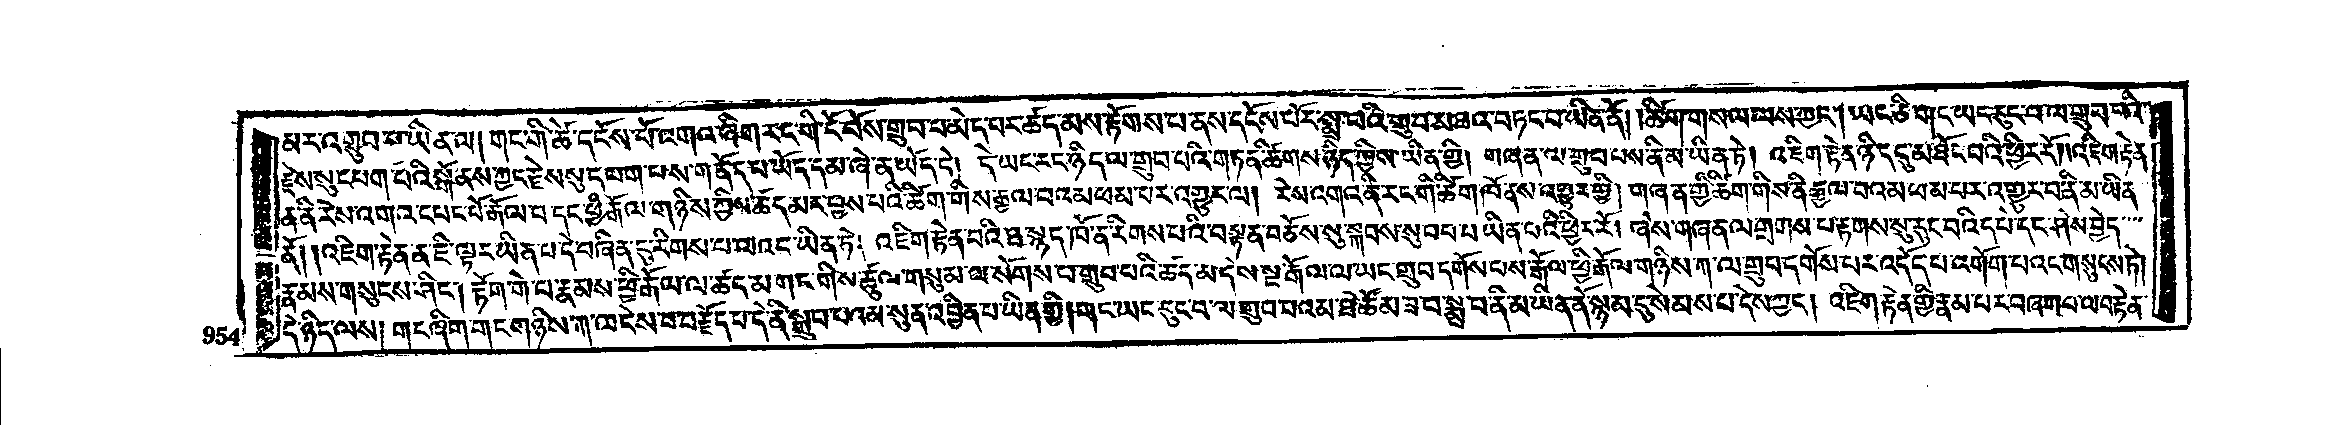མར་འགྲུབ་པ་ཡིན་ལ། གང་གི་ཚེ་དངོས་པོ་འགའ་ཞིག་རང་གི་ངོ་བོས་གྲུབ་པ་མེད་པར་ཚད་མས་རྟོགས་པ་ནས་དངོས་པོར་སྨྲ་བའི་གྲུབ་མཐའ་བཏང་བ་ཡིན་ནོ། །ཚིག་གསལ་ལས་ཀྱང་། ཡང་ཅི་གང་ཡང་རུང་བ་ལ་གྲུབ་པའི་
རྗེས་སུ་དཔག་པའི་སྒོ་ནས་ཀྱང་རྗེས་སུ་དཔག་པས་གནོད་པ་ཡོད་དམ་ཞེ་ན་ཡོད་དེ། དེ་ཡང་རང་ཉིད་ལ་གྲུབ་པའི་གཏན་ཚིགས་ཉིད་ཀྱིས་ཡིན་གྱི། གཞན་ལ་གྲུབ་པས་ནི་མ་ཡིན་ཏེ། འཇིག་རྟེན་ཉིད་དུ་མཐོང་བའི་ཕྱིར་རོ། །འཇིག་རྟེན་
ན་ནི་རེས་འགའ་དབང་པོ་རྒོལ་བ་དང་ཕྱི་རྒོལ་གཉིས་ཀྱིས་ཚད་མར་བྱས་པའི་ཚིག་གིས་རྒྱལ་བའམ་ཕམ་པར་འགྱུར་ལ། རེས་འགའ་ནི་རང་གི་ཚིག་ཁོ་ནས་འགྱུར་གྱི། གཞན་གྱི་ཚིག་གིས་ནི་རྒྱལ་བའམ་ཕམ་པར་འགྱུར་བ་ནི་མ་ཡིན་
ནོ༑ ༑འཇིག་རྟེན་ན་ཇི་ལྟར་ཡིན་པ་དེ་བཞིན་དུ་རིགས་པ་ལའང་ཡིན་ཏེ། འཇིག་རྟེན་པའི་ཐ་སྙད་ཁོ་ན་རིགས་པའི་བསྟན་བཅོས་སུ་སྐབས་སུ་བབ་པ་ཡིན་པའི་ཕྱིར་རོ། །ཞེས་གཞན་ལ་གྲགས་པ་རྟགས་སུ་རུང་བའི་དཔེ་དང་ཤེས་བྱེད་
རྣམས་གསུངས་ཤིང་། རྟོག་གེ་བ་རྣམས་ཕྱི་རྒོལ་ལ་ཚད་མ་གང་གིས་ཚུལ་གསུམ་ལ་སོགས་པ་གྲུབ་པའི་ཚད་མ་དེས་སྔ་རྒོལ་ལ་ཡང་གྲུབ་དགོས་པས་རྒོལ་ཕྱི་རྒོལ་གཉིས་ཀ་ལ་གྲུབ་དགོས་པར་འདོད་པ་འགོག་པའང་གསུངས་ཏེ།
དེ་ཉིད་ལས། གང་ཞིག་གང་གཉིས་ཀ་ལ་ངེས་པ་བརྗོད་པ་དེ་ནི་སྒྲུབ་པའམ་སུན་འབྱིན་པ་ཡིན་གྱི། གང་ཡང་རུང་བ་ལ་གྲུབ་པའམ་ཐེ་ཚོམ་ཟ་བ་སྨྲ་བ་ནི་མ་ཡིན་ནོ་སྙམ་དུ་སེམས་པ་དེས་ཀྱང་། འཇིག་རྟེན་གྱི་རྣམ་པར་བཞག་པ་ལ་བརྟེན་